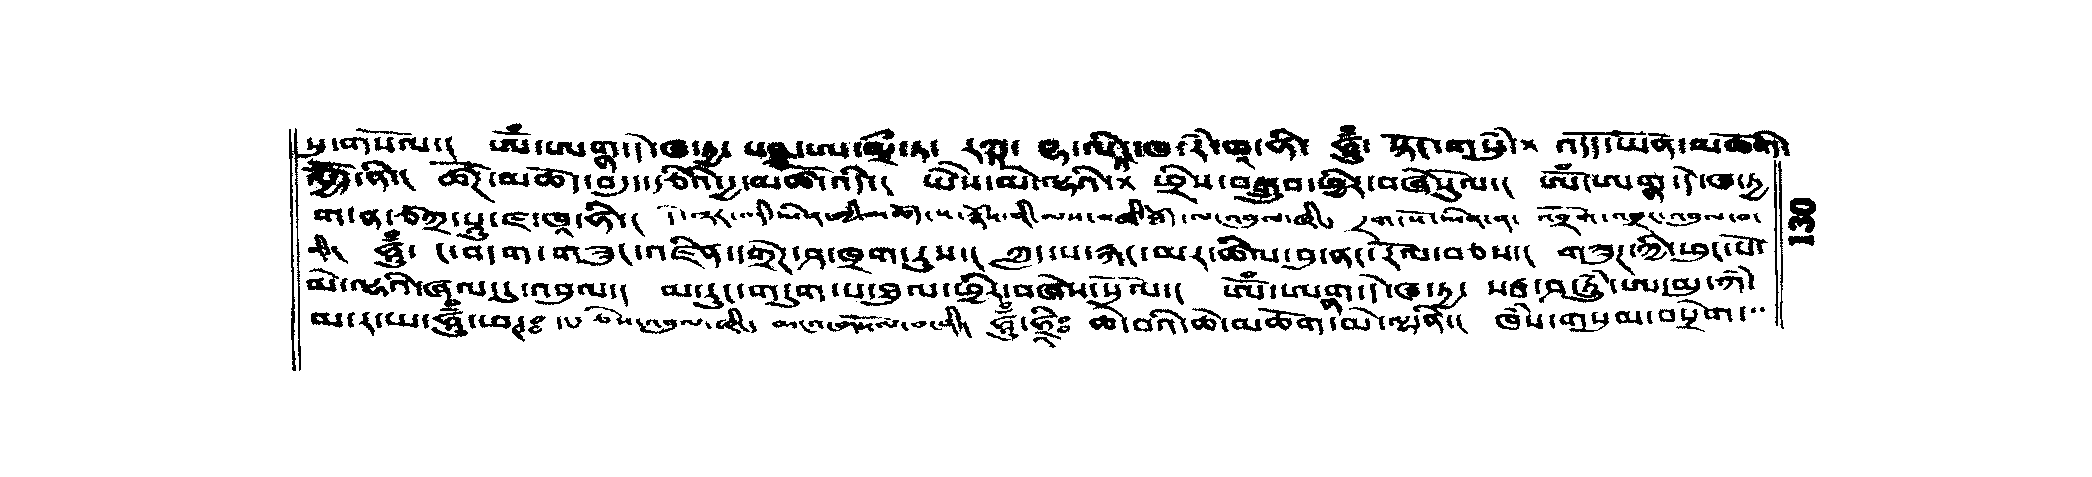སུ་གསོལ། །ཨོྃ་ཨགྣ་དེ་ཝ་ཏྱ། པཉྩ་ཨ་མྲྀ་ཏ། རཀྟ། བྷ་ལིངྟ་ཁ་རཾ་ཁཱ་ཧི། ཧཱུྃ། སྟོང་གསུམ་༴ འདོད་ཡོན་མཆོག་གི་
ལོངས་སྤྱོད་ནི། །ཚོགས་མཆོད་བདུད་རྩིའི་རྒྱ་མཚོ་འདི། །ཡེ་ཤེས་མེ་ལྷ་༴ ཕྲིན་ལས་བསྒྲུབ་ཕྱིར་བཞེས་སུ་གསོལ། །ཨོྃ་ཨགྣ་དེ་ཝ་ཏྱ་
ག་ན་ཙཀྲ་པཱུ་ཛ་ཁཱ་ཧི། དེ་ལྟར་དེ་ཡན་གྱི་མཆོད་པ་རྣམས་ནི་ལས་བཞི་ཐམས་ཅད་ལ་འབུལ་ཞིང་། དྲག་པོ་ཡིན་ན། འབྲོག་འབྲང་འབུལ་བ་
ནི། ཧཱུྃ། ང་བདག་གཟུང་འཛིན་དགྲ་གེགས་ཤ་ཁྲག་རུས། །ཀླད་པ་རྐང་མར་ཚིལ་བུ་ནང་རོལ་བཅས། །གཟུགས་ཀྱི་ཕུང་པོ་
མེ་ལྷའི་ཞལ་དུ་འབུལ། །མ་རུང་གདུག་པ་ཐུལ་ཕྱིར་བཞེས་སུ་གསོལ། །ཨོ་ཨགྣ་དེ་ཝ་ཏྱ། སརྦ་ཤ་ཏྲུཾ་ཨ་མུ་ཀཾ་་
མ་ར་ཡ་ཧཱུྃ་ཕཊཿ དང་ཅེས་འབུལ་ཞིང་། མངའ་གསོལ་བ་ནི། ཧཱུྃ་ཧྲཱིཿ ཆེ་བའི་ཆེ་མཆོག་མེ་ལྷ་ནི། །ཁམས་གསུམ་བསྲེག་